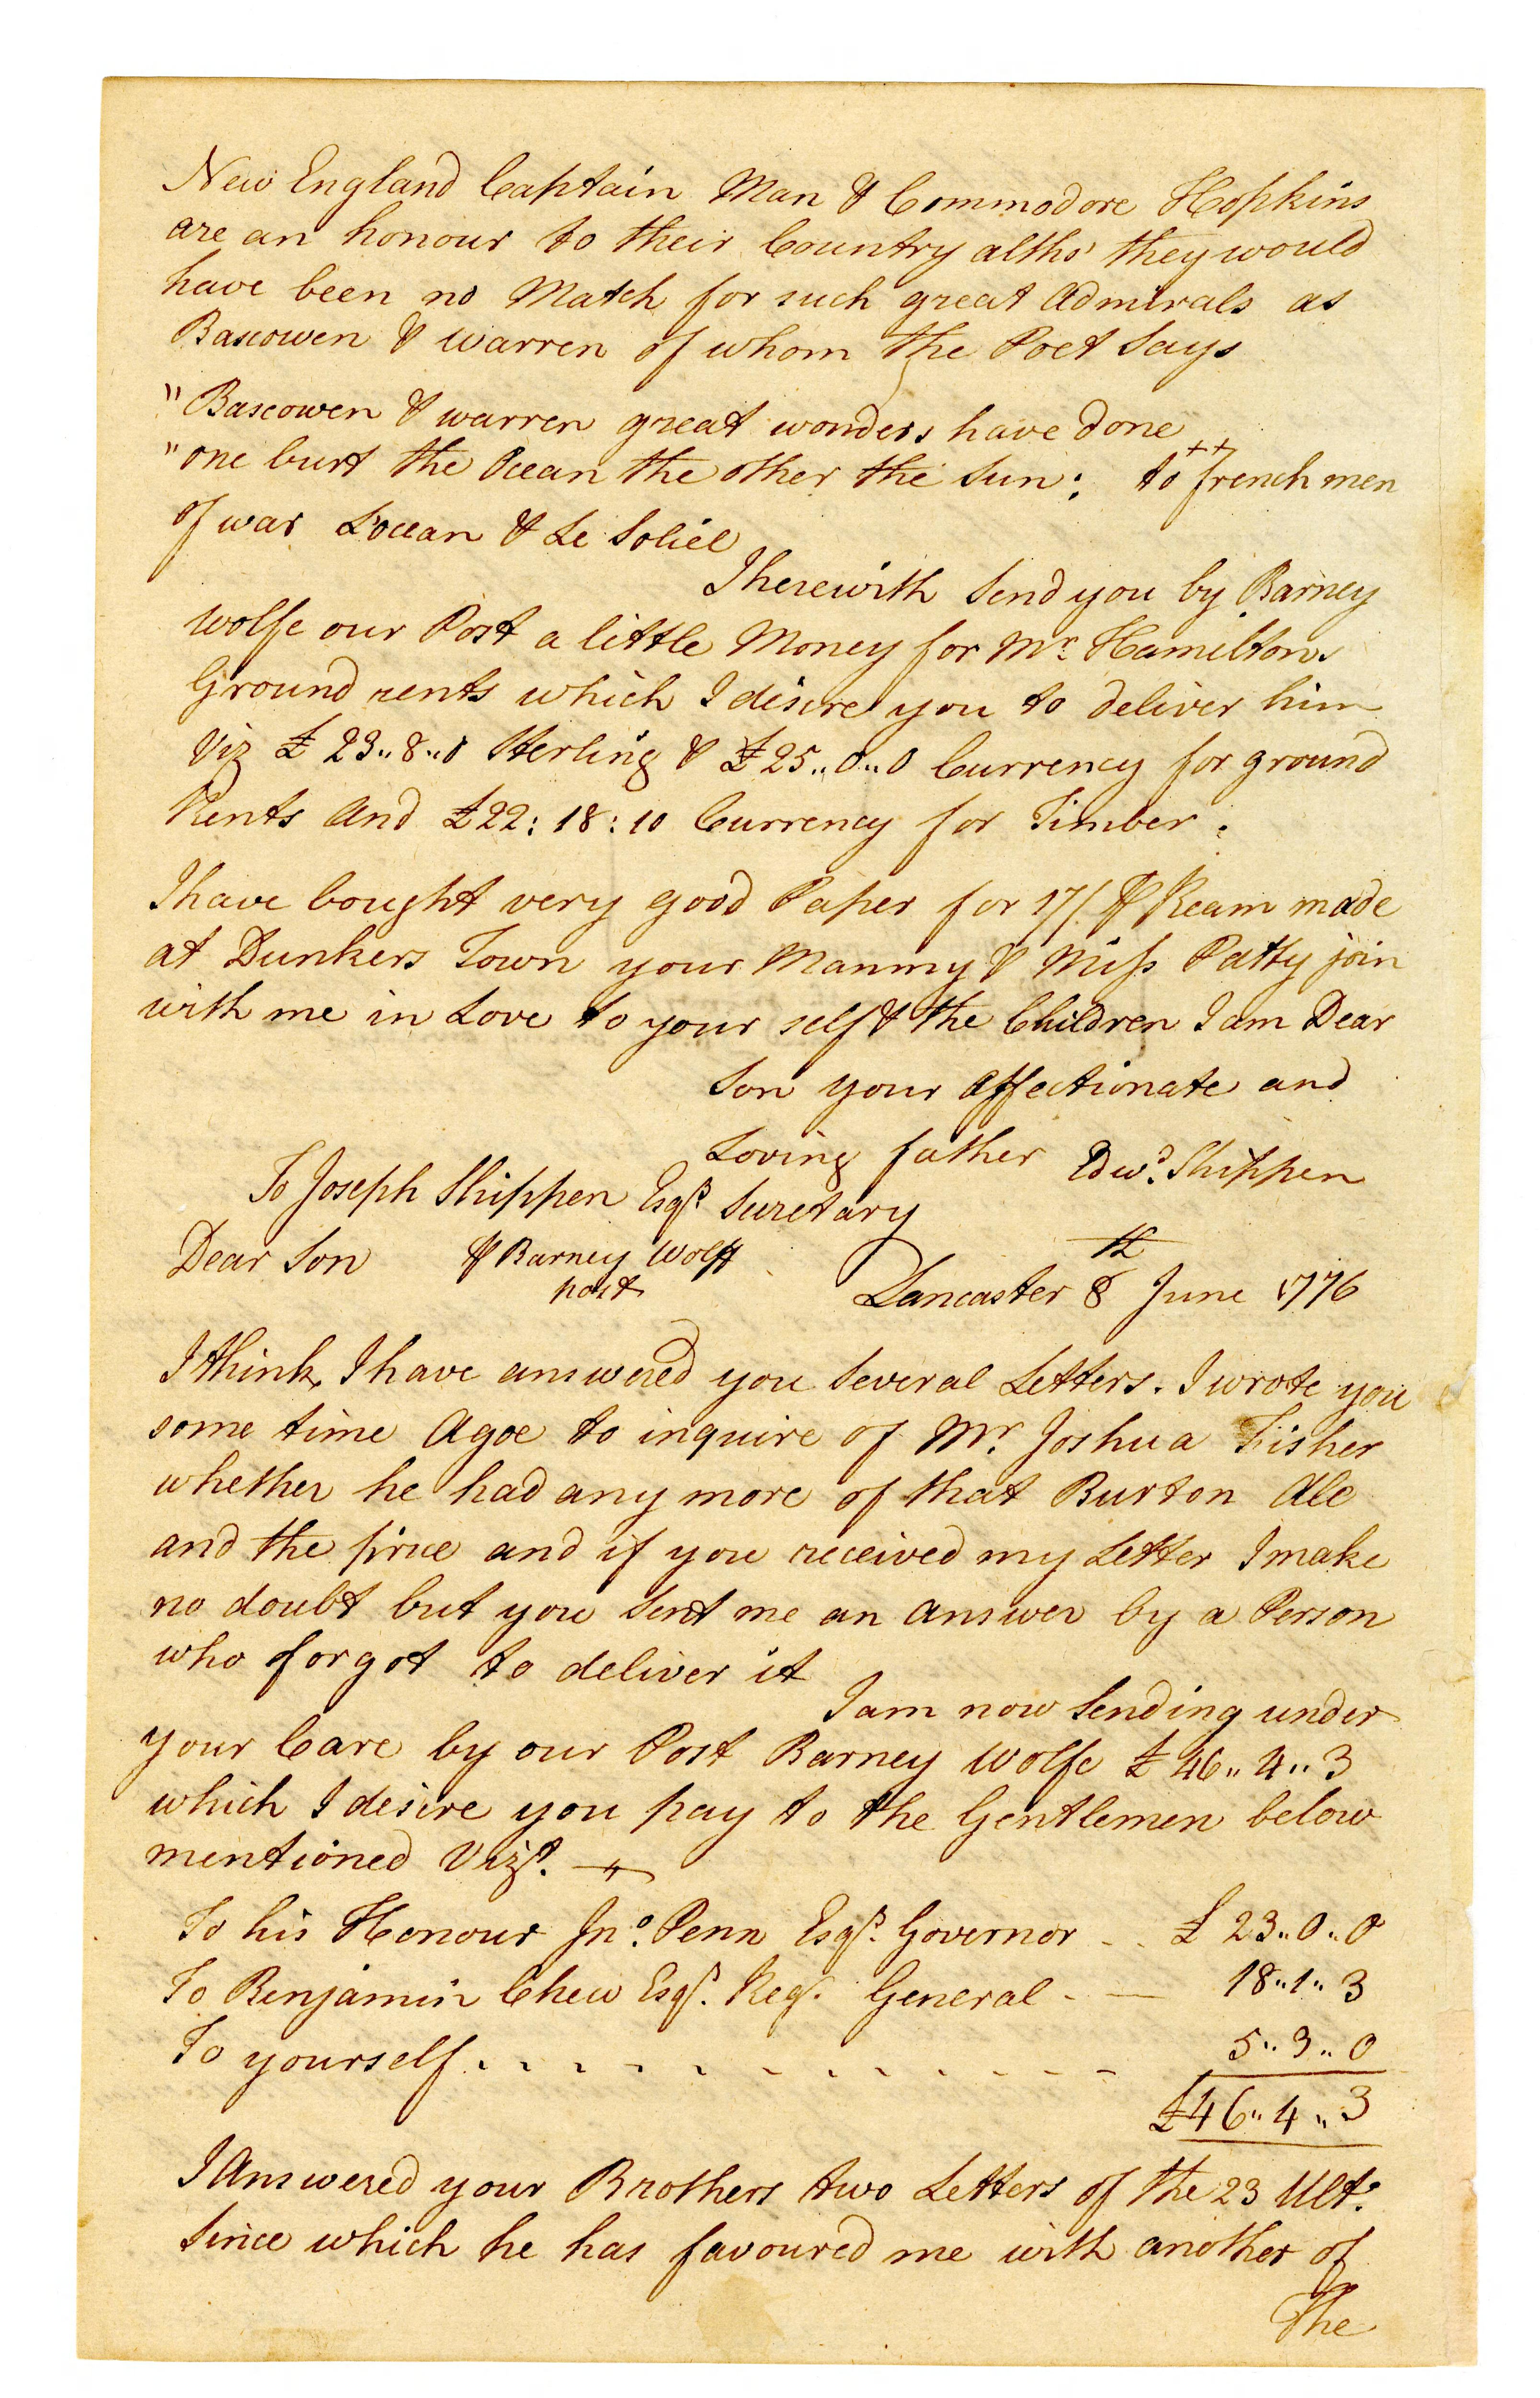New England Captain Man & Commodore Hopkins
are an honour to their Country altho' they would
have been no Match for such great Admirals as
Bascowen & Warren of whom the Poet says
"Bascowen & warren great wonders have done
++
"one but the Ocean the other the Sun: to french men
of war L'oecan & Le Soliel
I herewith send you by Barney
Wolfe our Post a little Money for M^r. Hamiltons
Ground rents which I desire you to deliver him
Viz £23..8..0 Sterling & £25..0..0 Currency for ground
Rents and £22..18..10 Currency for Timber.
I have bought very good Paper for 17s. per Ream made
at Dunkers Town your Mammy & Miss Patty join
with me in Love to your self & the Children
I am Dear
Son your Affectionate and
Loving father
Edw^d. Shippen
To Joseph Shippen Esq^r. Secretary
Dear Son
per Barney Wolff
post
Lancaster 8^th June 1776
I think, I have answered you several Letters. I wrote you
some time Agoe to inquire of M^r. Joshua Fisher
whether he had any more of that Burton Ale
and the price and if you received my Letter I make
no doubt but you sent me an Answer by a Person
who forgot to deliver it
I am now sending under
your Care by our Post Barney Wolfe £46..4..3
which I desire you pay to the Gentlemen below
mentioned Viz^t.
To his Honour Jn^o. Penn Esq^r. Governor.. £23..0..0
to Benjamin Chew Esq^r. Reg. General--18..1..3
5..3..0
To yourself............
£46..4..3
I Answered your Brothers two Letters of the 23 Ult.
since which he has favoured me with another of
the